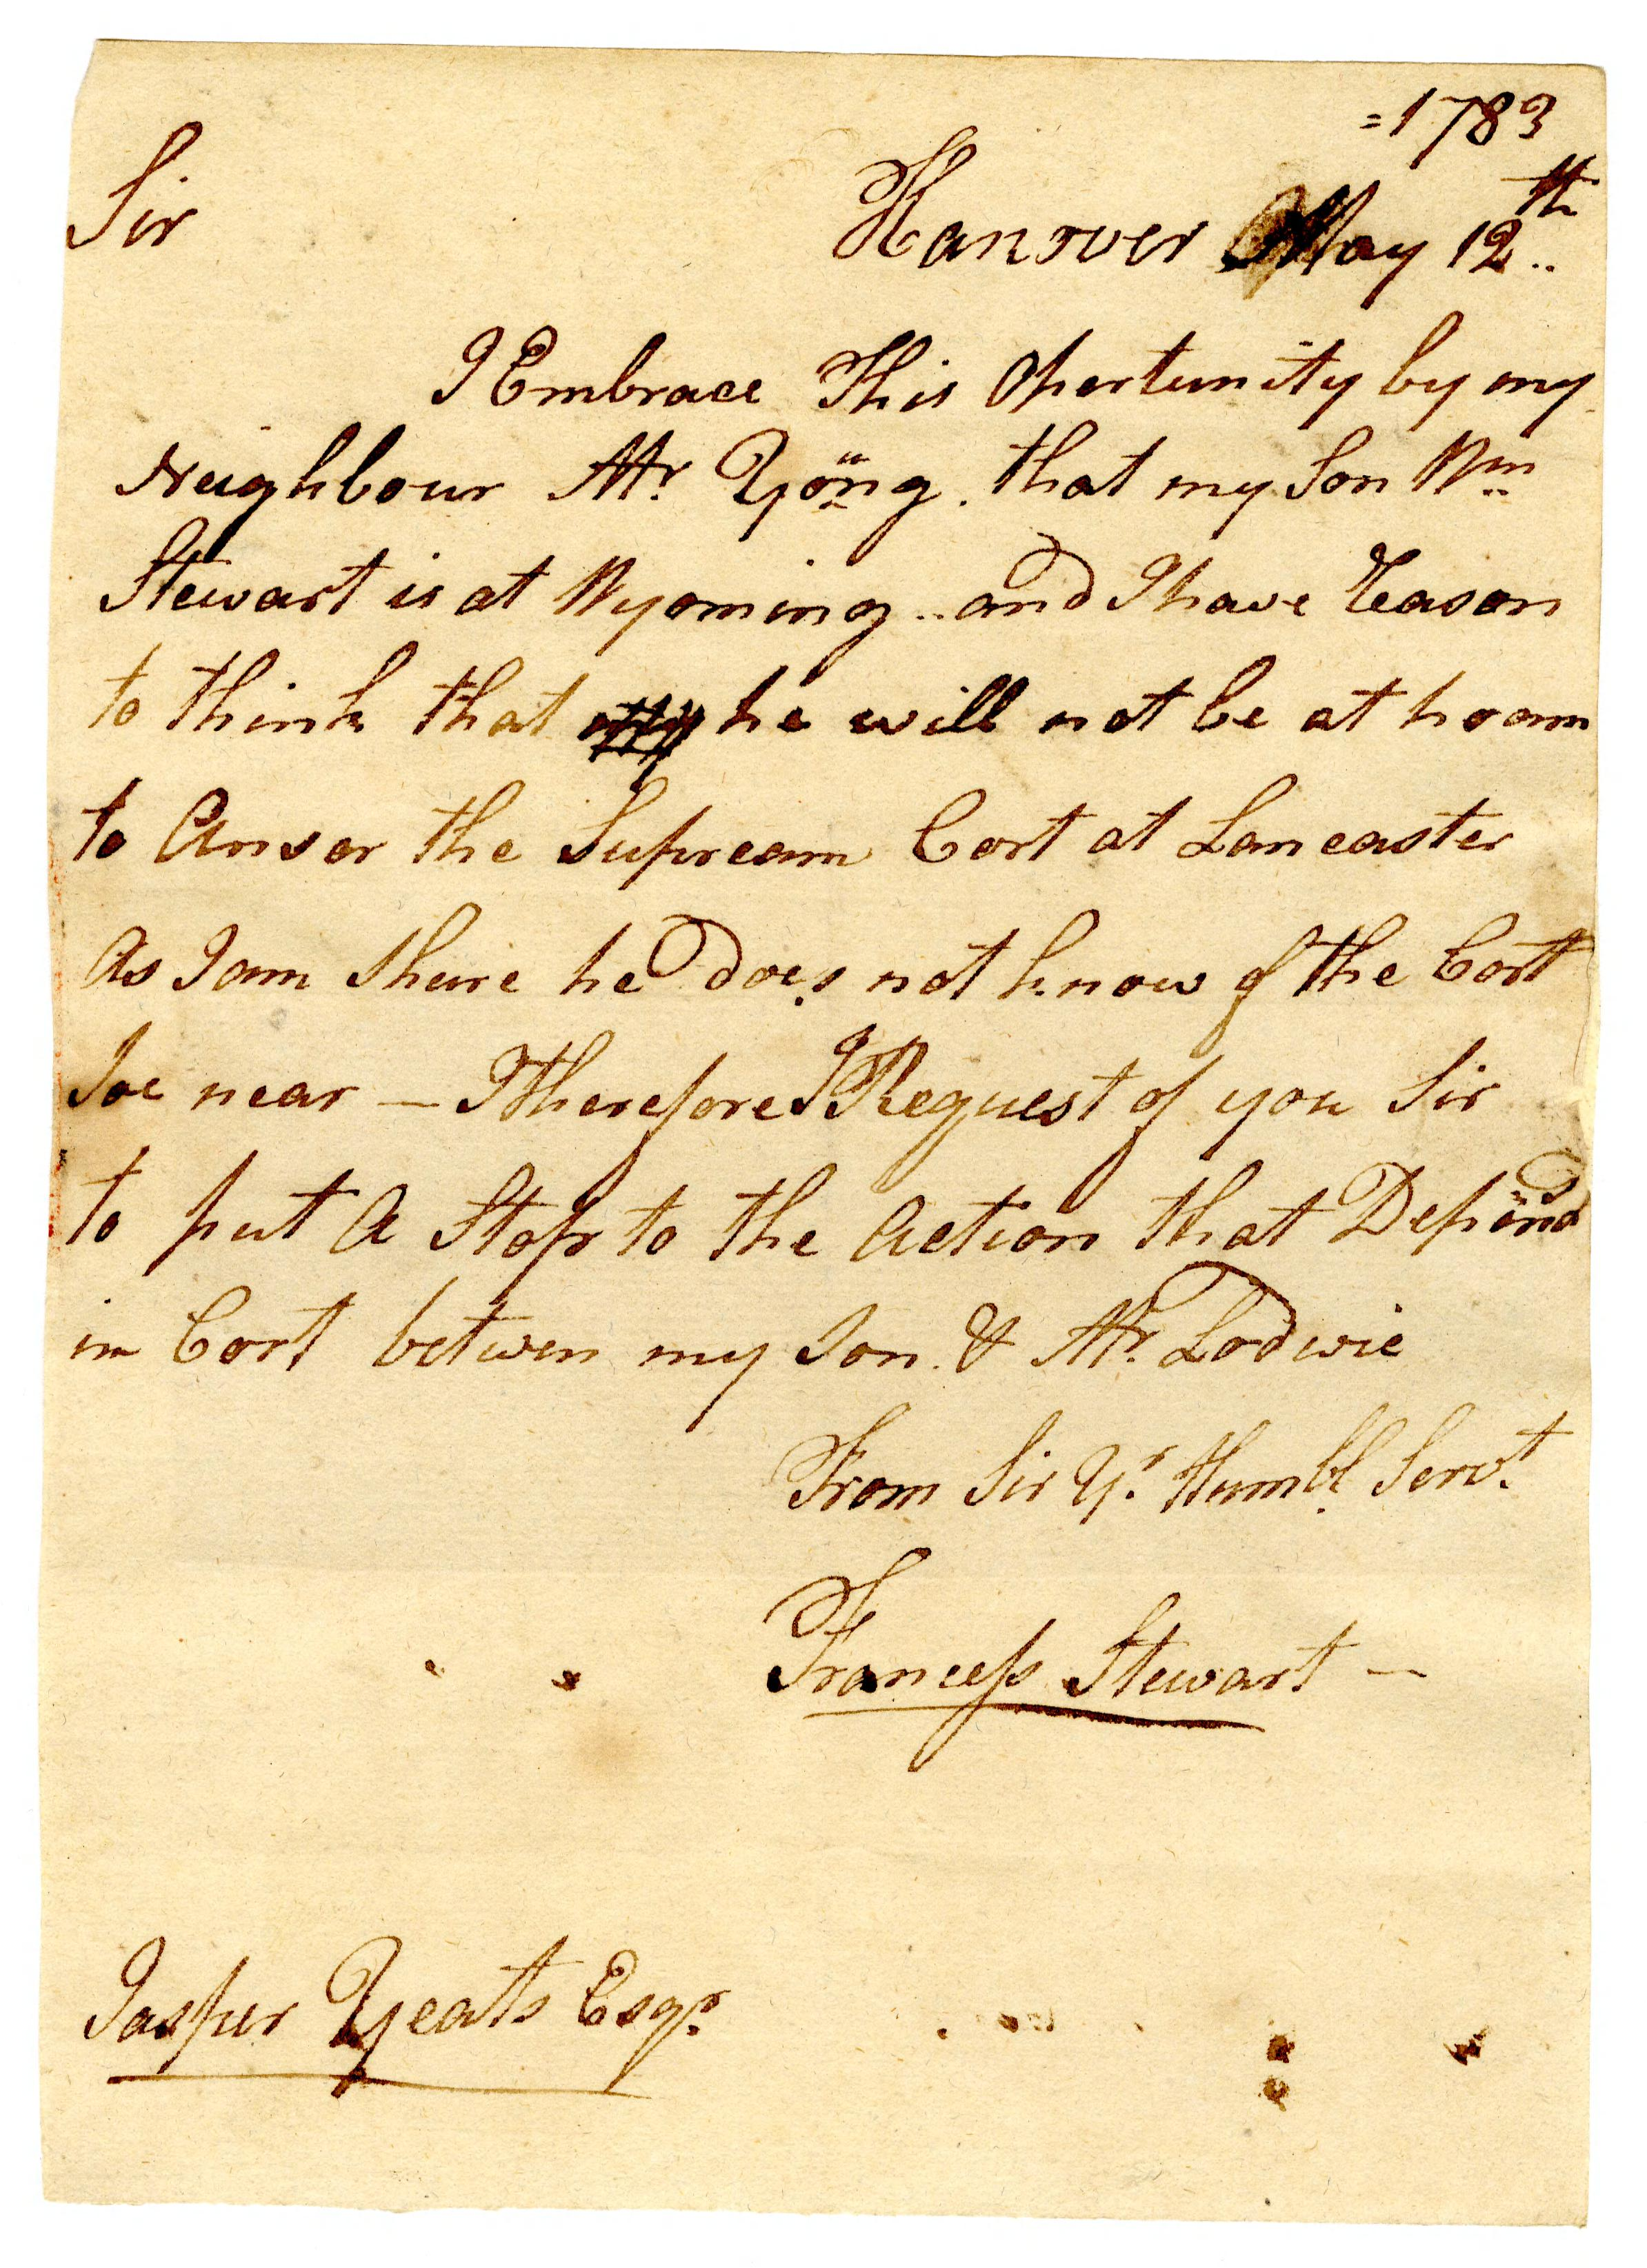1783
Hanover May 12^th.
Sir
I Embrace This Opertunity by my
Neighbour M^r. Yong that my Son W^m.
Stewart is at Wyoming. and I have Reason
to think that [atty] he will not be at hoom
To Anser the Supream Cort at Lancaster
As I am Shure he does not know of the Cort
Joe near- I therefore I Request of you Sir
to put a Stop to the Action that Depend,
in Cort betwen my Son & M^r. Lodwie
From Sir Y^r. Humbl Serv^t.
Francess Stewart
Jasper Yeats Esq^r.